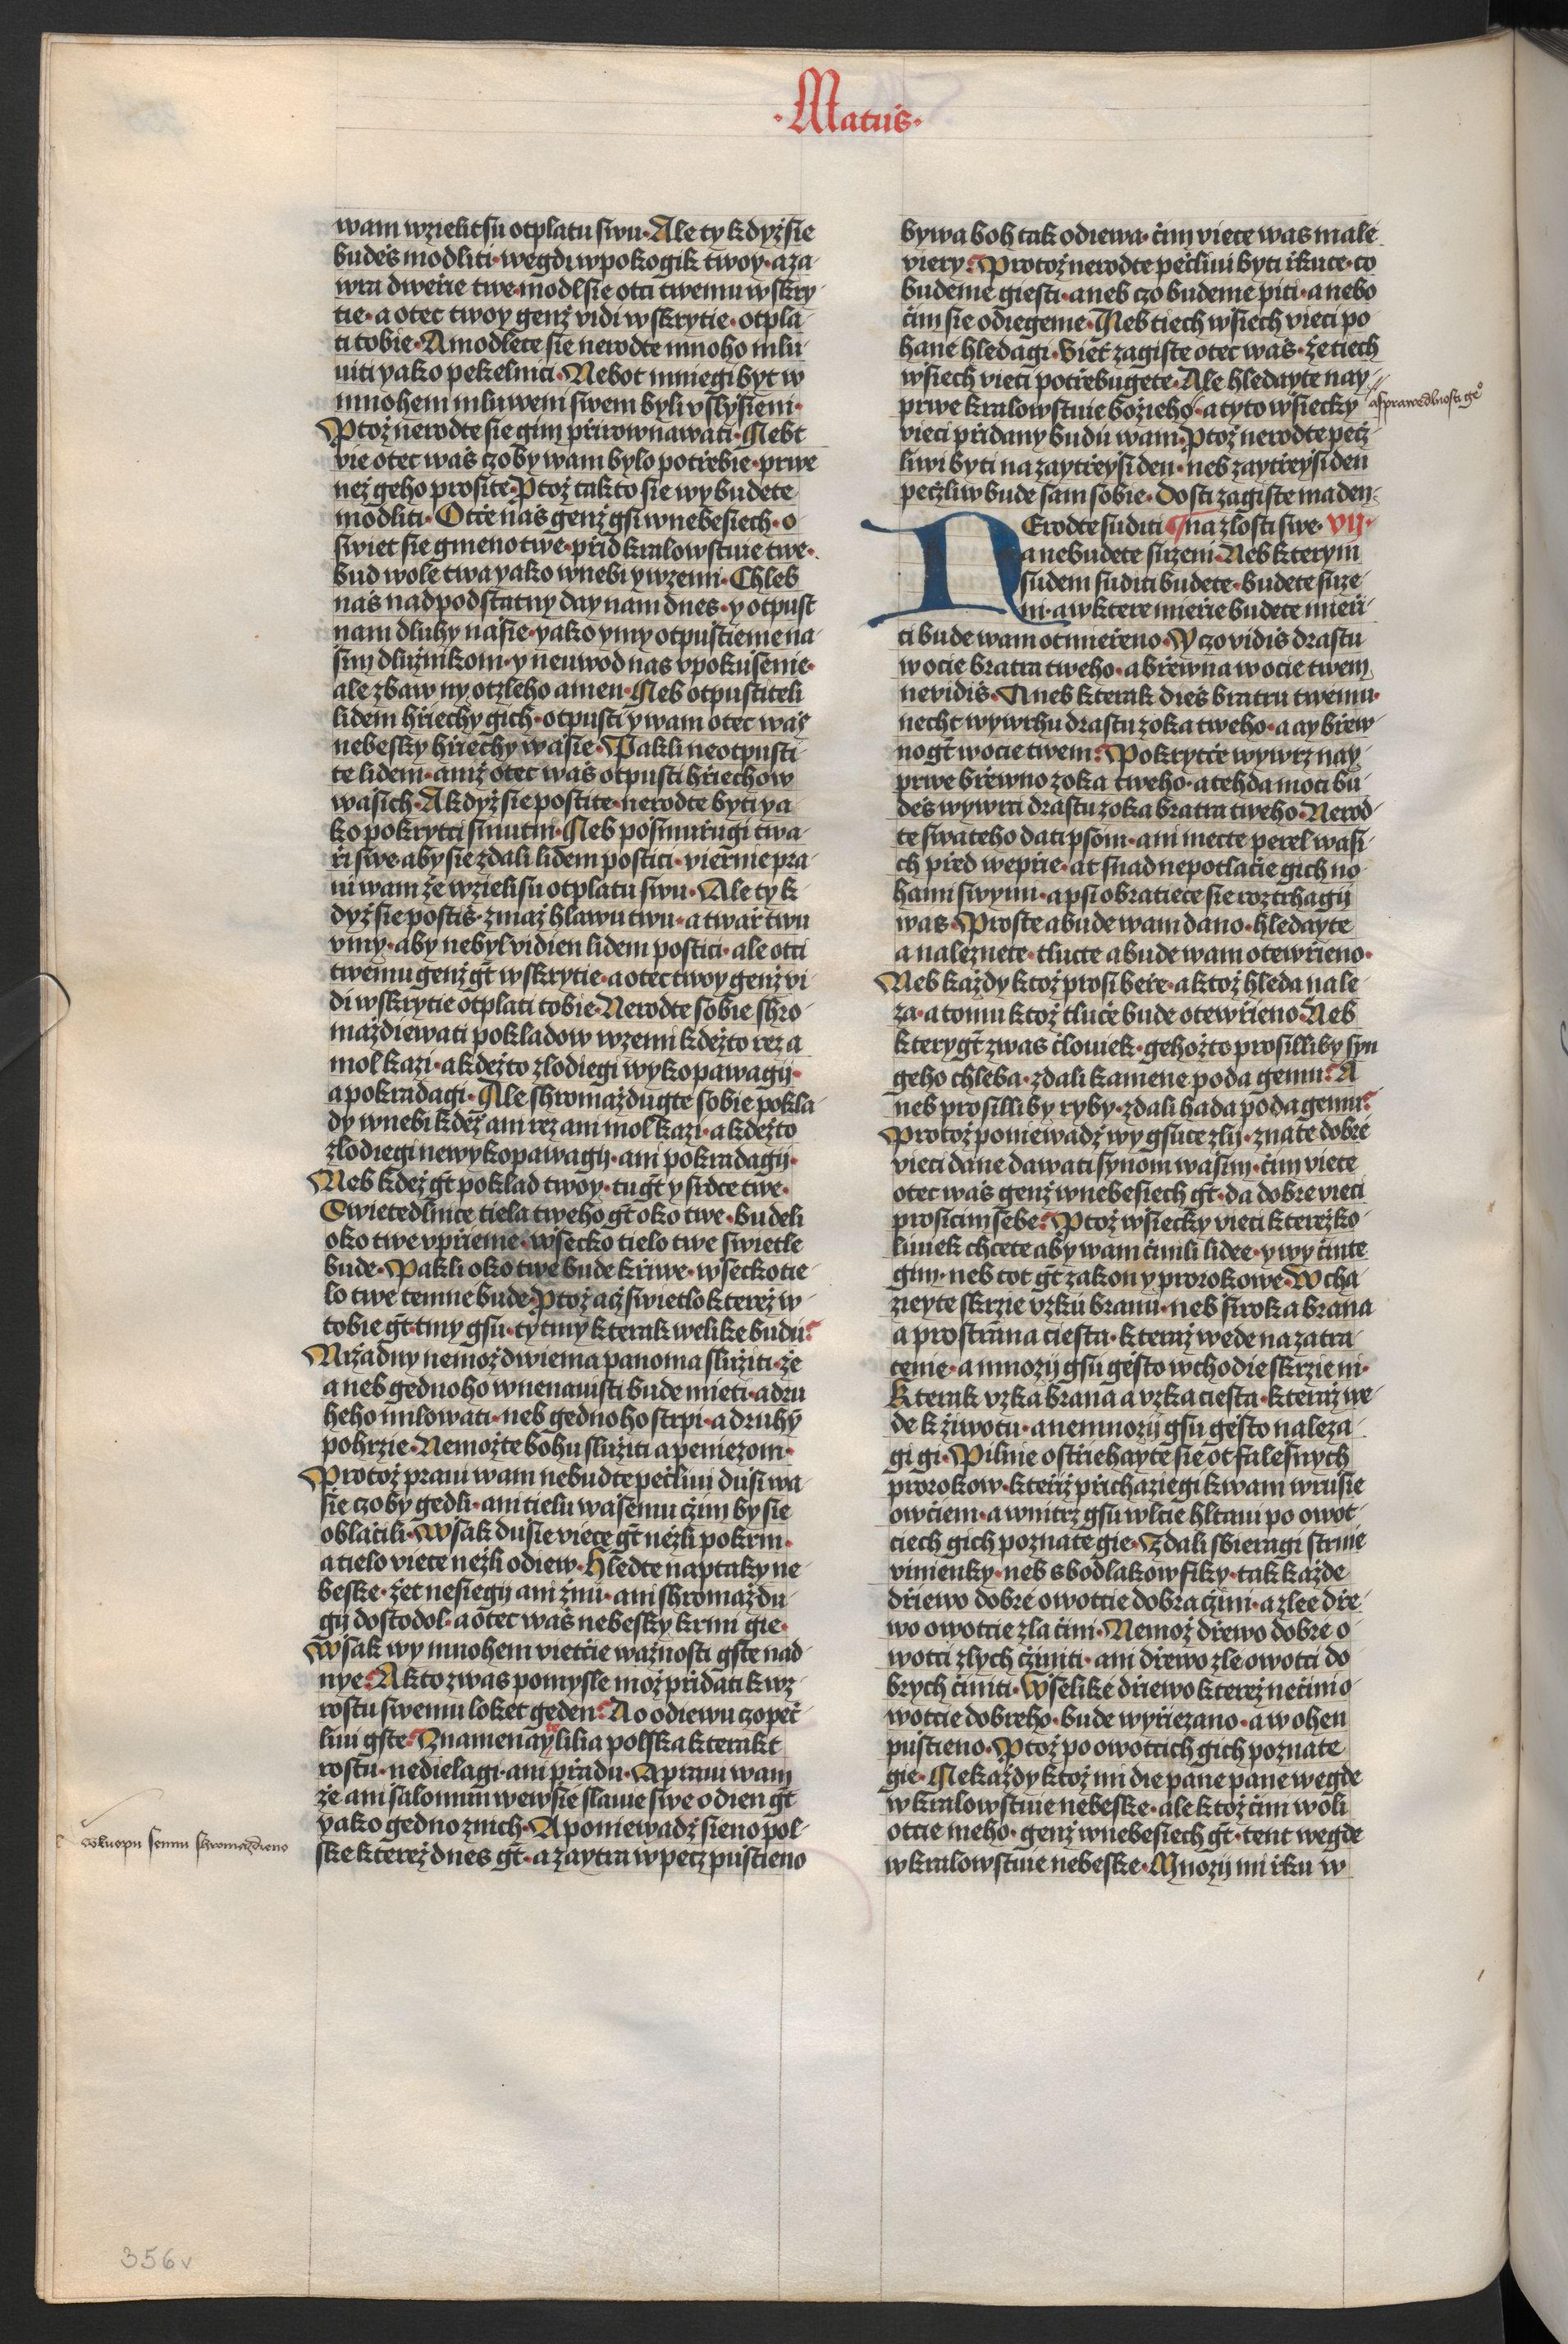.Matuṡ.
wam wzielitſu otplatu ſwu.Ale ty kdyżſie
budeṡ modliti.wegdi wpokogik twoy.aza¬
wra dweṙie twe.modl ſie otci twemú wſkry¬
tie.a otec twoy genż vidí wſkrytie.otpla¬
ti tobie.A modlece ſie nerodte mnoho mlu¬
uiti yako pekelnici.Nebot mníegí byt w
mnohem mluwení ſwem byli vſlyẛiení.
Ꝓtoż nerodte ſie gim pṙirownawati.Nebt
víe otec vaṡ czoby wam bylo potṙebie.prwe¬
neż geho proſite.Ꝓtoż takto ſie wy budete
modliti.Otċe naṡ genż gſi wnebeſiech.o¬
ſwiet ſie gmeno twe.pṙid kralowſtuie twe.
bud wole twa yako wnebi y wzemi.Chleb
naṡ nadpodſtatny day nam dnes.y otpuſt
nam dluhy naẛie.yako ymy otpuẛtieme na¬
ẛim dlużníkom.y neuwod nas vpokuẛenie.
ale zbaw ny otzleho amen.Neb otpuſtiteli
lidem hṙíechy gich.otpuſti y wam otec waṡ
nebeſky hṙiechy waẛie.Pakli neotpuſti¬
te lidem.aniż otec waṡ otpuſtí hṙiechow
waẛich.Akdyž ſíe poſtite.nerodte byti ya¬
ko pokrytci ſmutni.Neb poẛmuṙugí twa¬
ṙi ſwe.aby ſie zdali lidem poſtici.vierne pra¬
ui wam że wzieli ſu otplatu ſwu.Ale ty k¬
dyż ſie poſtiṡ.zmaż hlawu twu.a twaṙ twu
viny.aby nebyl vidien lidem poſtici.ale otci
twemu genż ḡt wſkrytie.a otec twoy genż vi¬
dí wſkrytie otplati tobie.Nerodtre ſobie ſhro¬
mażdíewati pokladow wzemi kdeżto rez a
mol kazí.Akdeżto zlodiegi wykopawagij.
a pokradagí.Ale ſhromażdugte ſobie pokla¬
dy wnebi kdeż ani rez ani mol kazí.akdeżto
zlodiegi newykopawagij.ani pokradagij.
Neb kdeż ḡt poklad twoy.tu ḡt y ſrdce twe.
Swietedlnice tiela tweho ḡt oko twe.budeli
oko twe vpṙíeme.wẛecko tielo twe ſwietle
bude.Pakli oko twe bude kṙiwe.wẛecko tie¬
lo twe temné bude.Ꝓtoż acż ſwietlo ktrereż w
tobie ḡt. tmy gſu.ty tmy kterak welike budú?
Niżadny nemoż dwiema panoma ſlużiti.że
a neb gednoho wnenauiſti bude míeti.a dru¬
heho milowati.neb gednoho ſtrpí.a druhȳ
pohrzíe.Nemożte bohu ſlużiti a peníezom.
Protoż przaui wam nebudte peċliui duẛi wa¬
ẛie czo by gedli.ani tielu waẛemu cżím by ſie
oblaċili.Wẛak duẛie víece ḡt neżli pokrm.
a tielo viece neżli odiew.Hledte naptaky ne¬
beſke.żet neſlegij ani żnu.ani ſhromażdu¬
gij doſtodol.a otec waṡ nebeſky krmi gie.
Wẛak wy mnohem vietċie ważnoſti gſte nad
nye?A kto zwas pomyſle moż pṙidati kwz¬
roſtu ſwemu loket geden?A o odiewu czopeċ
liui gſte?Znamenayte lilia polſka kterakt
roſtu.nedielagi.ani pṙadu.A praui wam
że ani ẛalomun wewẛie ſlauie ſwe odien ḡt
yako gedno znich.A poniewadż ſieno pol¬
ſke ktereż dnes ḡt.a zaytra wpecz puẛtieno
bywa boh tak odiewa.ċim víece was malé
viery?Protoż nerodte peċliui byti ṙkuce.co
budeme gíeſti.aneb czo budene píti.a nebo
ċím ſie odiegeme.Neb tiech wẛiech viecí po¬
hane hledagí.Víeṫ zagiſte otec waṡ.że tiech
wẛiech vietí potṙebugete.Ale hledayte nay¬
prwe kralowſtuíe bożieho.a tyto wẛiecky.
vieci pṙidany budú wam.Ꝓtoż nerodte pecż¬
liwi byti na zaytṙeyẛi den.neb zaytṙeyẛi den
pecżliw bude ſam ſobie.doſti zagiſte ma den
Erodte ſuditi na zloſti ſwe.vij.
a nebudete ſuzeni.Neb kterym
ſudem ſuditi budete.budete ſuze¬
ni.awktere míeṙe budete mieṙi¬
ti bude wam otmieṙeno.Y czo vidiš draſtu
w ocie bratra tweho.a bṙewna w ocie twem
nevidiš.A neb kterak dieš bratru twemu.
necht wywrhu draſtu zoka tweho.a ay bṙew¬
no ḡt wocie twem?Pokrytċe wywrz nay¬
prwe bṙewno zoka tweho.atehda moci bu¬
deṡ wywrci dzaſtu zoka bratra tweho.Nerod¬
te ſwateho dati pſóm.ani mecte perel waſi¬
ch pṙed wepṙie.at ſnad nepotlaċie gich no¬
hami ſwymi.apſi obratiece ſie roztrhagij
was.Proſte a bude wam dano.hledayte
a naleznete.tlucte a bude wam otewṙieno.
Neb każdy ktoż proſi beṙe.aktoż hleda nale¬
za.a tomu ktoż tluċe bude otewṙíeno.Neb
ktery ḡt zwas ċlouíek.gehożto proſilli by ſyn
geho chleba.zdali kamene poda gemu?A¬
neb proſilli by ryby.zdali hada poda gemu?
Protoż poniewadż vy gſuce zlij.znate dobré
vieci dane dawati ſynom waſim.ċím víece
otec waṡ genż wnebeſiech ḡt.da dobre vieci
proſicim ſebe?Ꝓtoż wẛliecky vieci ktereżko
liuiek chcete aby wam lidee.ywy ċinte
gim.Meb tot ḡt zakon y prorokowe.W cha¬
zieyte ſkrzie vzkú branu.neb ẛiroka brana
a proſtrana cieſta.kteraż wede na zatra¬
teníe.a mnozij gſú geẛto wchodíe ſkrzie ni.
A kterak vzka brana a vzka cieſta.kteraż we¬
de k żiwotu.anemnozij gſu geẛto naleza¬
gi gi.Pilnie oſtṙíehayte ſie ot faleẛnych
prorokow.kteṙíż pṙichaziegí kwam wruẛie
owċiem.a wnitrz gſu wlcie hltaui po owot¬
cíech gich poznate gie.Zdali ſbieragí ſtrmie
vinienky.neb sbodlakow fiky.tak każde
dṙíewo dobré owotcie dobra cżiní.a zlee dṙe¬
wo owotcie zla ċiní.Nemoż dṙewo dobre o¬
wotci zlych cżiniti.ani dṙewo zle owotci do¬
brych cżiniti.Wẛeliké dṙiewo ktereż neċini o¬
wotcie dobreho.bude wyṙiezano.a w ohen
puẛtieno.Ꝓtoż po owotcich gich poznate
gie.Nekażdy ktoż mi die pane pane wegde
w kralowſtuie nebeſke.ale ktoż ċini woli¬
otcie meho.genż wnebeſiech ḡt.tent wegde
wkralowſtuie nebeſke.Mnozij mi ṙku w¬